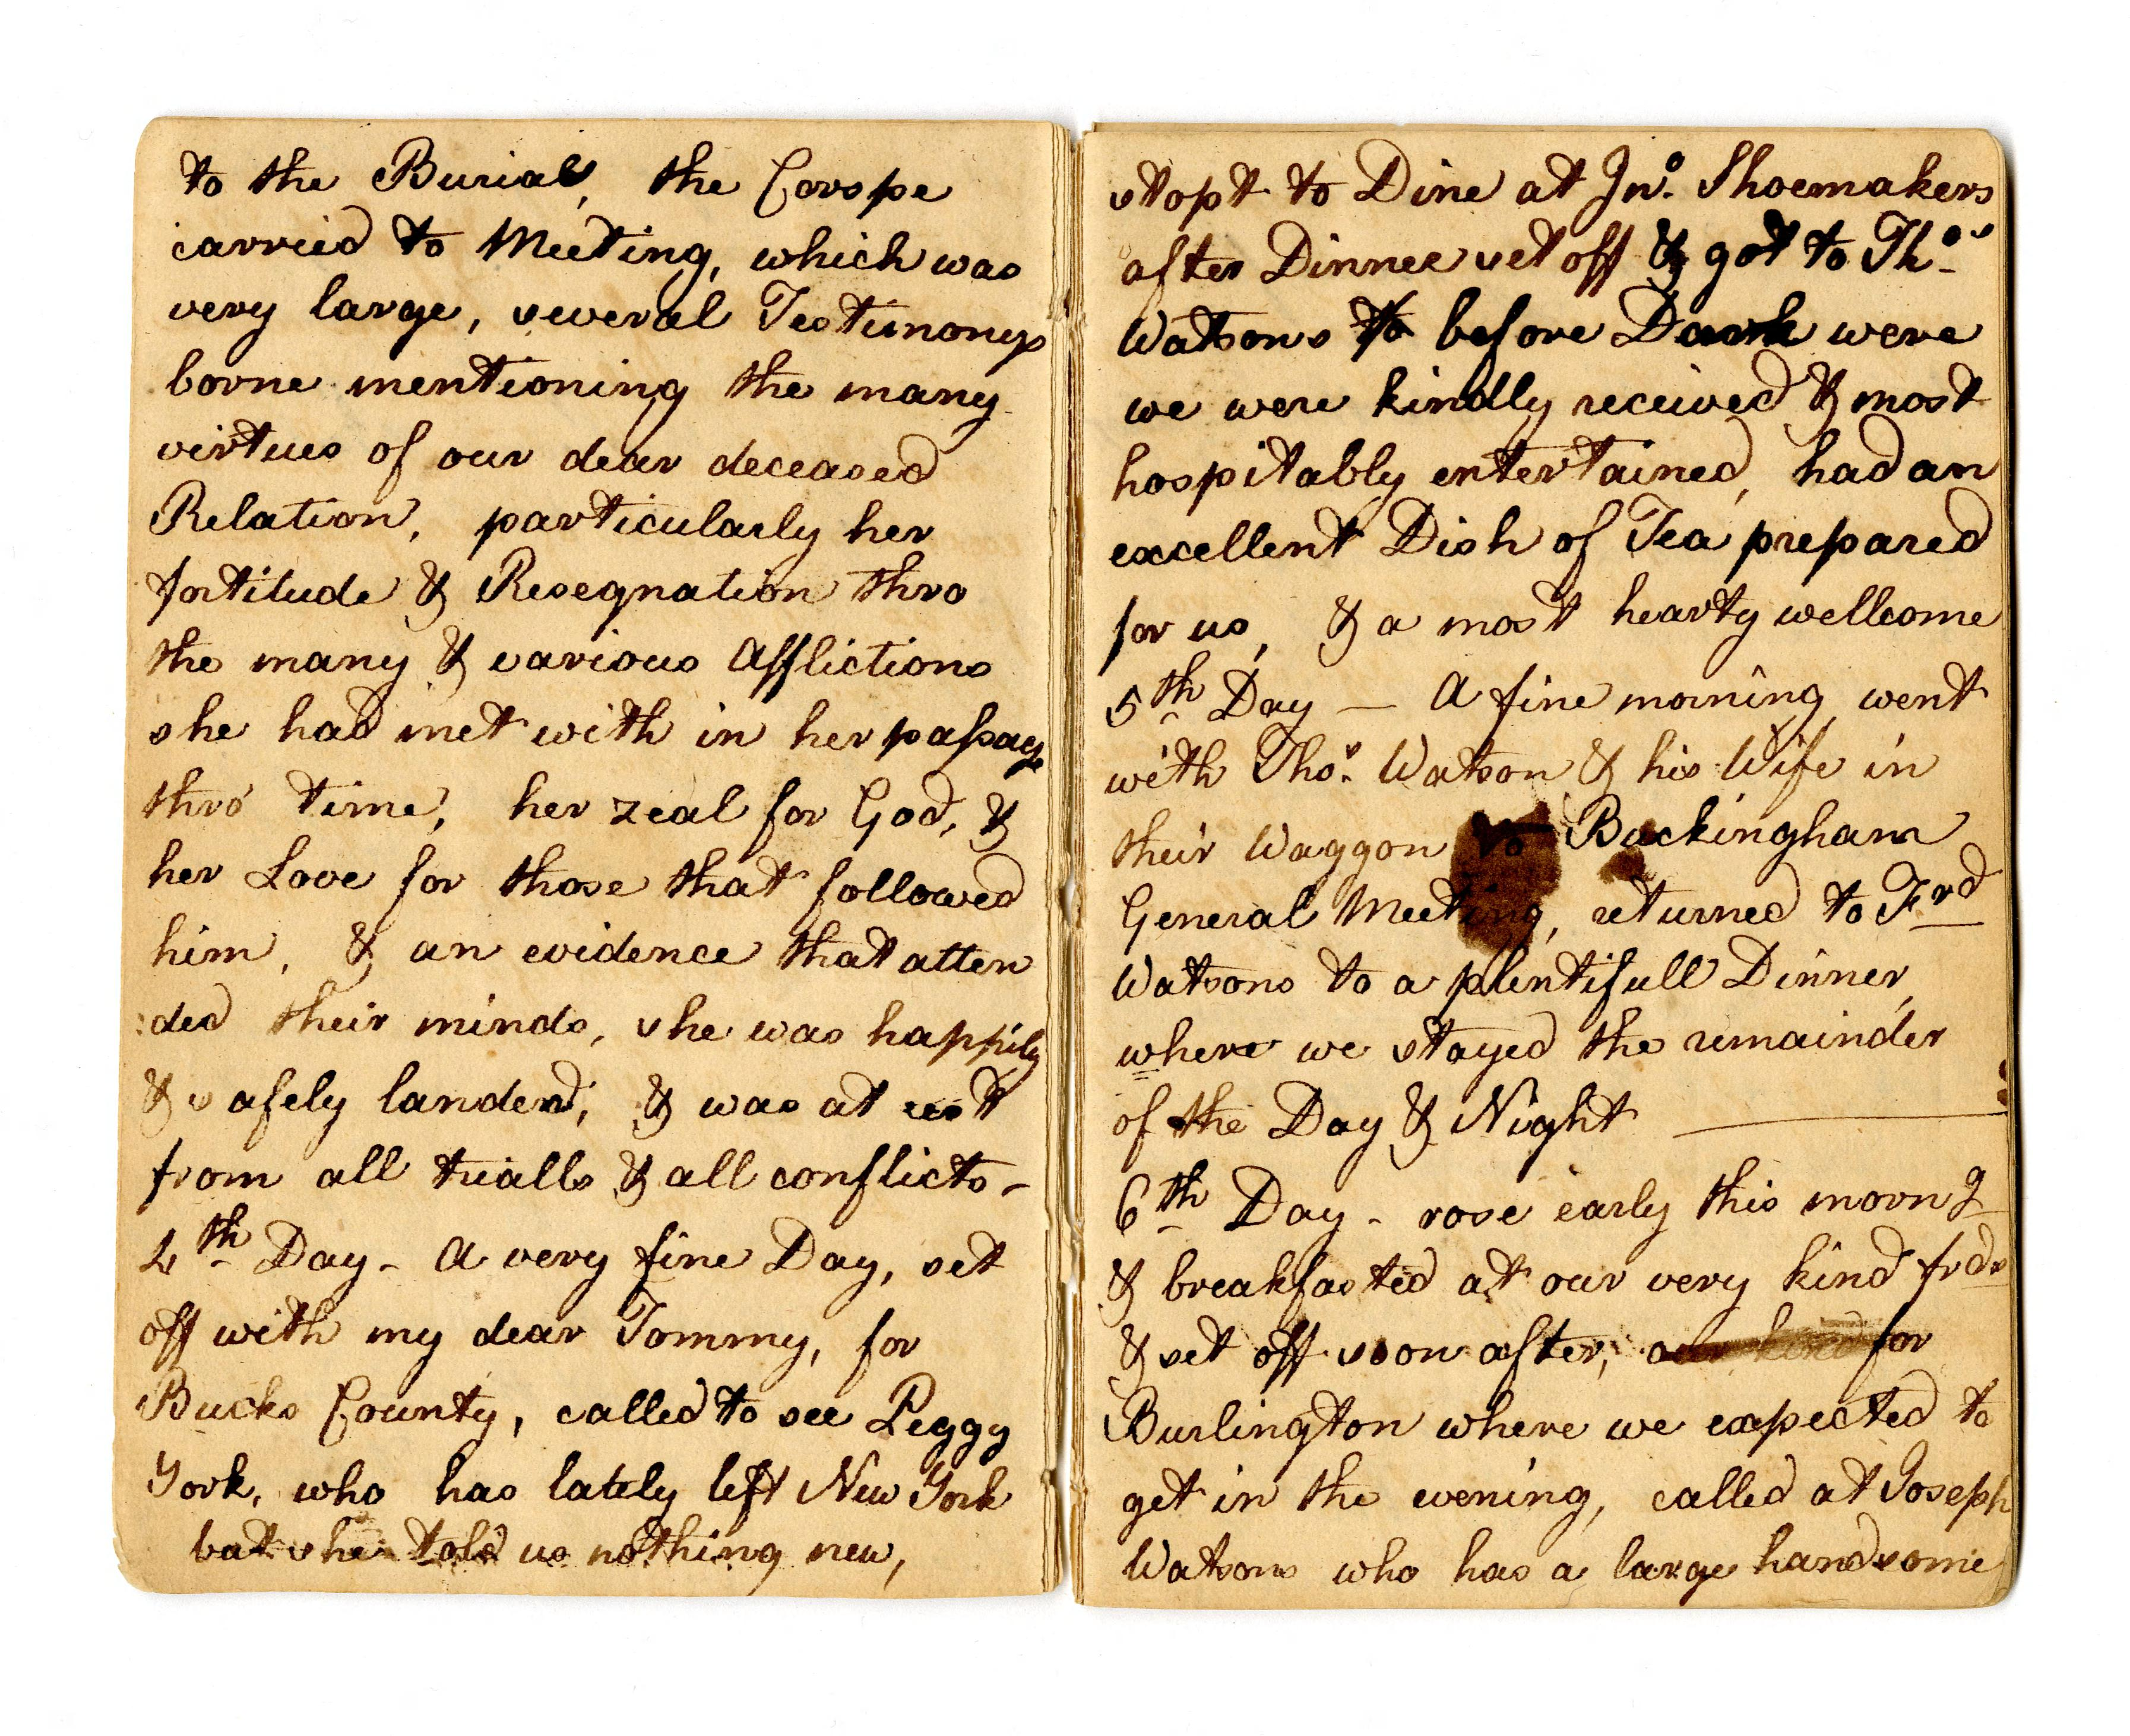to the Burial, the Corspe
carried to Meeting, which was
very large, several Testimonys
borne mentioning the many
virtues of our dear deceased
Relation, particularly her
fortitude & Resegnation thro'
the many & various Afflictions
she had met with in her passag
thro' time, her zeal for God, &
her Love for those that followed
him, & an evidence that atten
-ded their minds, she was happily
& safely landed, & was at rest
from all trialls & all conflicts-
4^th Day- A very fine Day, set
off with my dear Tommy, for
Bucks County, called to see Peggy
York, who has lately left New York
but she told us nothing new,
stopt to Dine at Jn^o. Shoemakers
after Dinner set off & got to Th^os-
Watsons to before Dusk were
we were kindly received & most
hospitably entertained, had an
excellent Dish of Tea prepared
for us, & a most hearty wellcome
5^th Day- A fine morning went
with Tho^s. Watson & his Wife in
their Waggon [_] Buckingham
General Meet[ing], returned to F^rd
Watsons to a plentifull Dinner,
where we stayed the remainder
of the Day & Night
6^th Day- rose early this morn^g
& breakfasted at our very kind frds
& set off soon after [our kind] for
Burlington where we expected to
get in the evening, called at Joseph
Watsons who has a large handsome